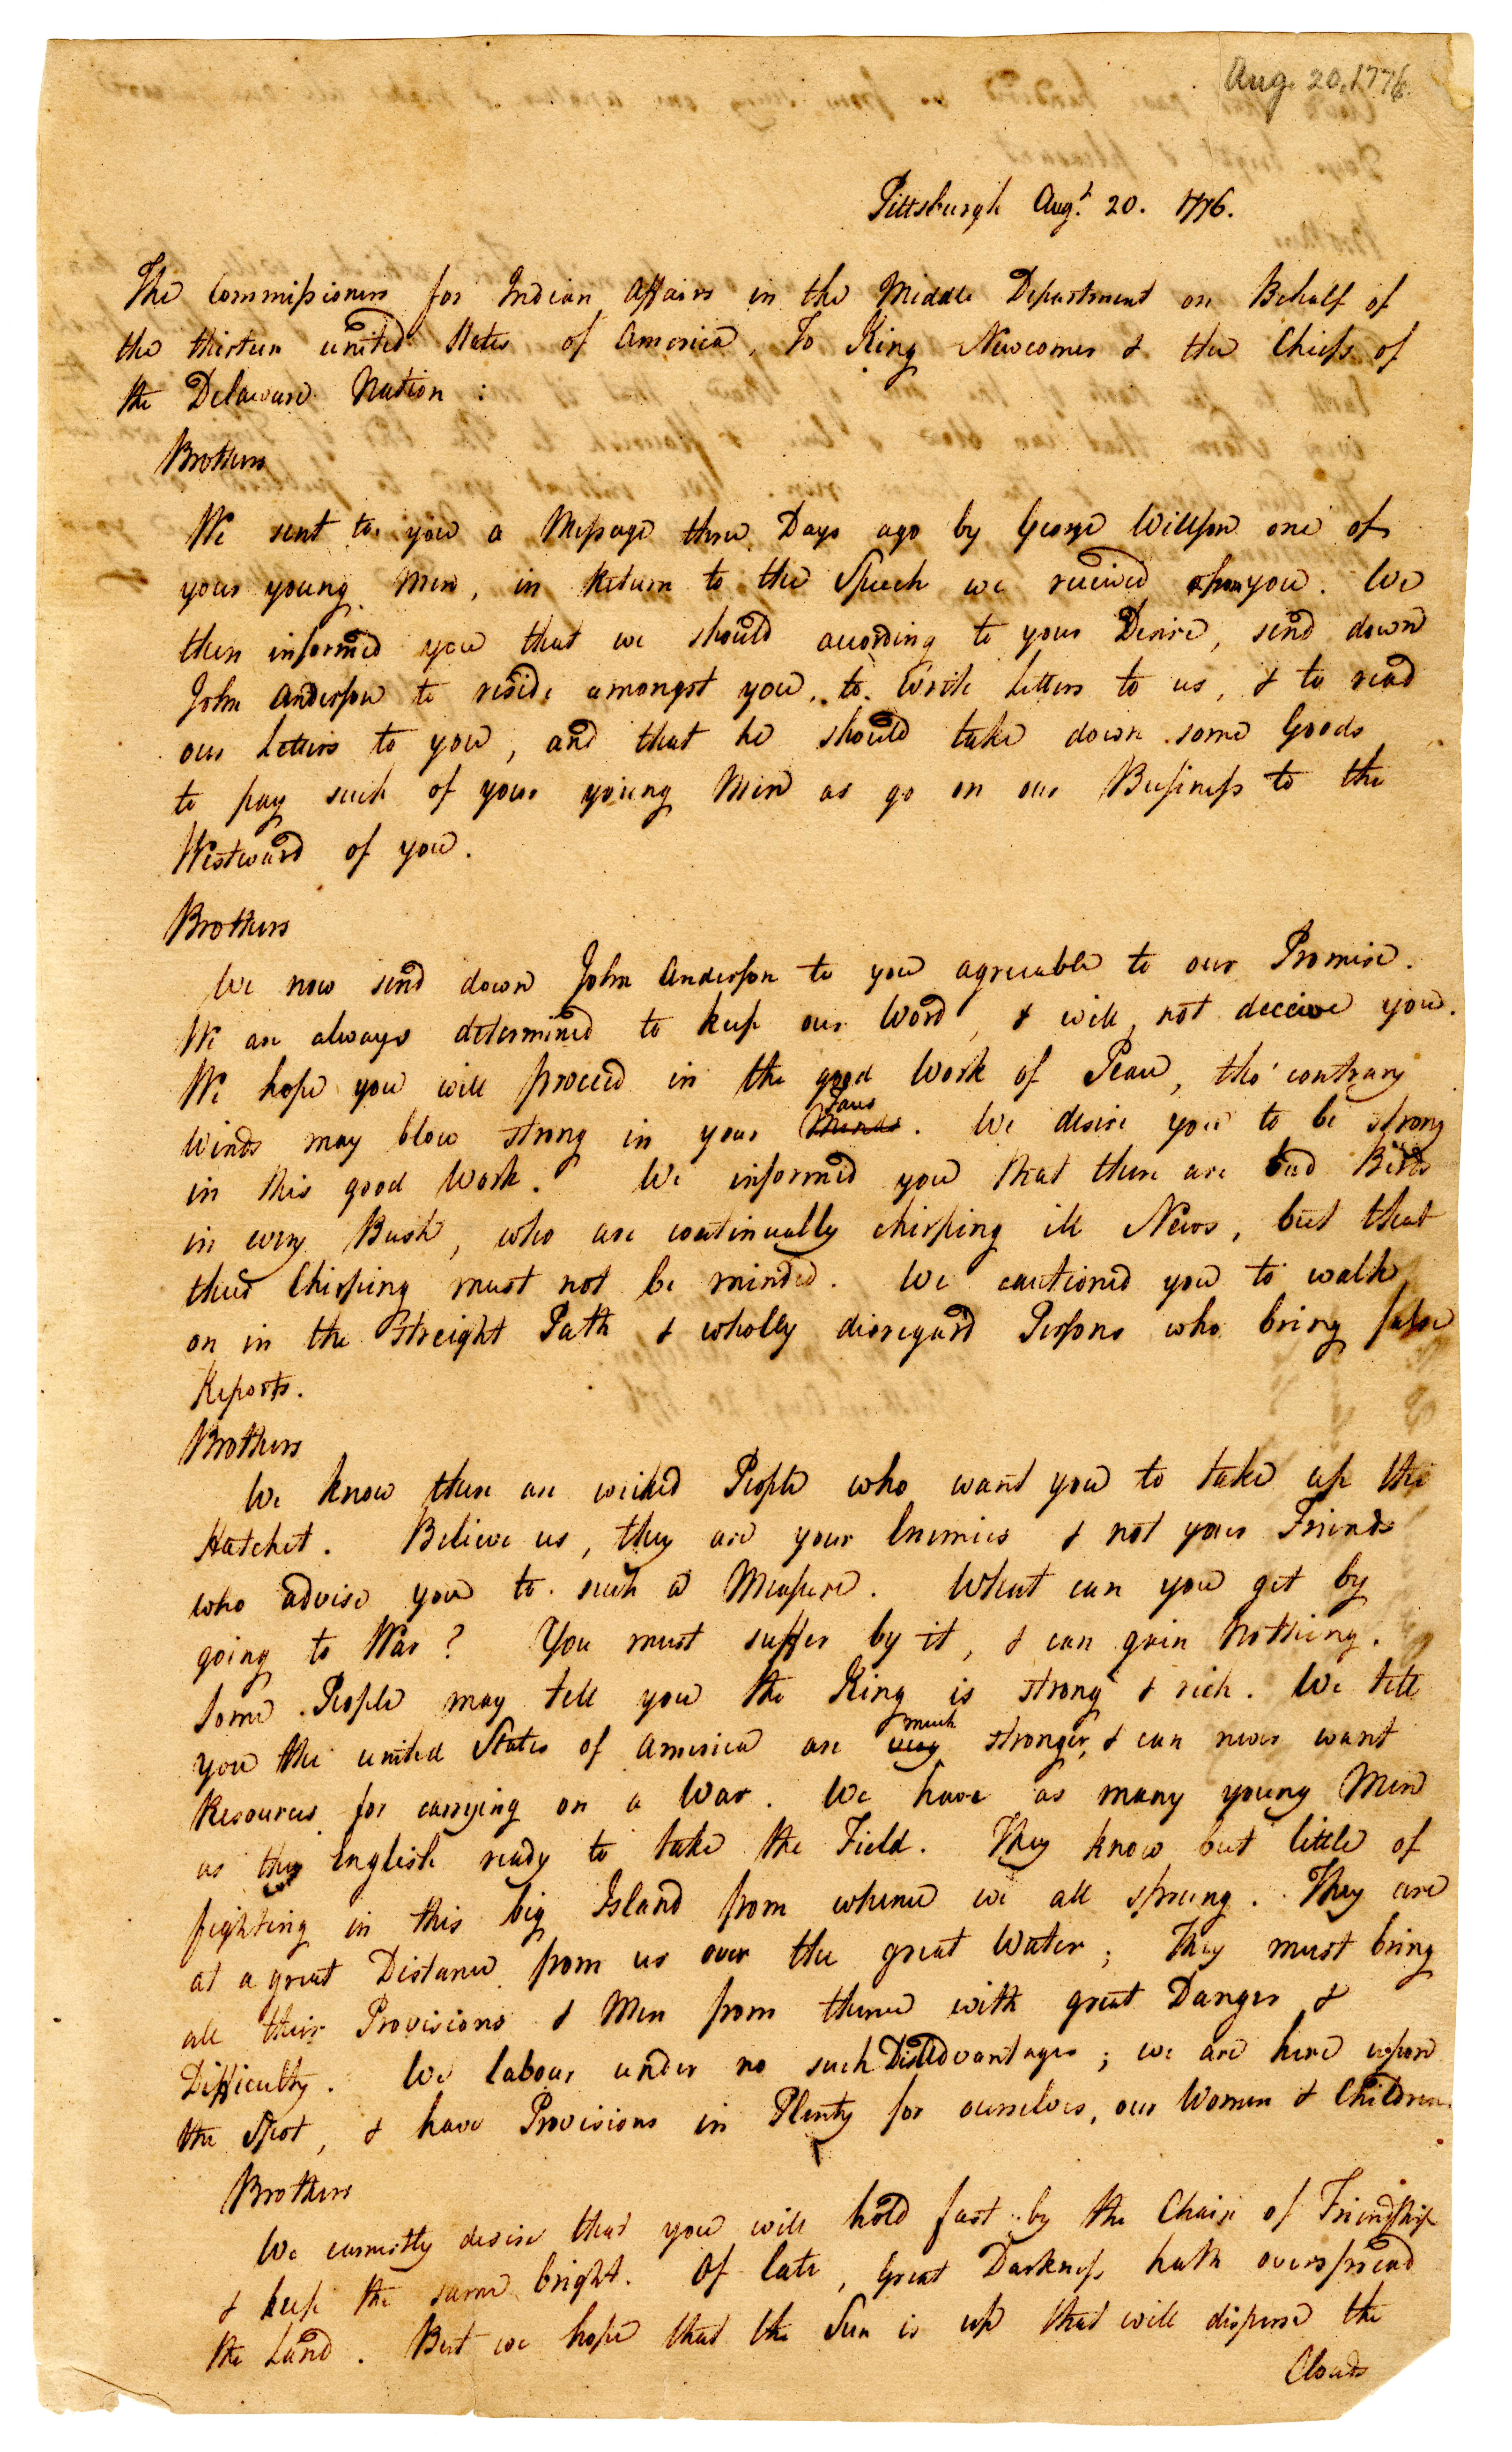Pittsburgh Aug^t. 20. 1776.
The Commissioner for Indian Affairs in the Middle Department on Behalf of
the thirteen united States of America to King Newcomer & the Chiefs of
the Delaware Nation:
Brothers
We sent to you a Message three Days ago by George Willson one of
your young Men, in Return to the Speech we received from you. We
then informed you that we should according to your Desire, send down
John Anderson to reside amongst you, to Write Letters to us, & to read
our Letters to you, and that he should take down some Goods
to pay such of your young Men as go on our Business to the
Westward of you.
Brothers
We now send down John Anderson to you agreeable to our Promise.
We are always determined to keep our Word, & will not deceive you.
We hope you will proceed in the good Work of Peace, tho' contrary
Faces
winds may blow strong in your Minds ^. We desire you to be strong
in this good work. We informed you that then are bad Birds
in every Bush, who are continually chirping ill News, but that
this Chirping must not be minded. We cautioned you to walk
on in the streight Path & wholly disregard Persons who bring false
Reports.
Brothers
We know there are wicked People who want you to take up the
Hatchet. Believe us, they are your Enemies & not your Friends
who advise you to such a Measure. What can you get by
going to War? You must suffer by it, & can gain Nothing.
Some People may tell you the King is strong & rich. We tell
much
you the united States of America are very^ stronger, & can never want
Resources for carrying on a War. We have as many young Men
as the English ready to take the Field. They know but little of
fighting in this big Island from whence we all spring. They are
at a great Distance from us over the great Water; They must bring
all their Provisions & Men from there with great Danger &
Difficulty. We labour under no such Disadvantages; we are here upon
the spot, & have Provisions in Plenty for ourselves, our Women & Children.
Brothers
We currently desire that you will hold fast by the Chain of Friendship
& keep the same bright. Of late, Great Darkness hath overspread
the Land. But we hope that the Sun is up that will dispense the
Clouds